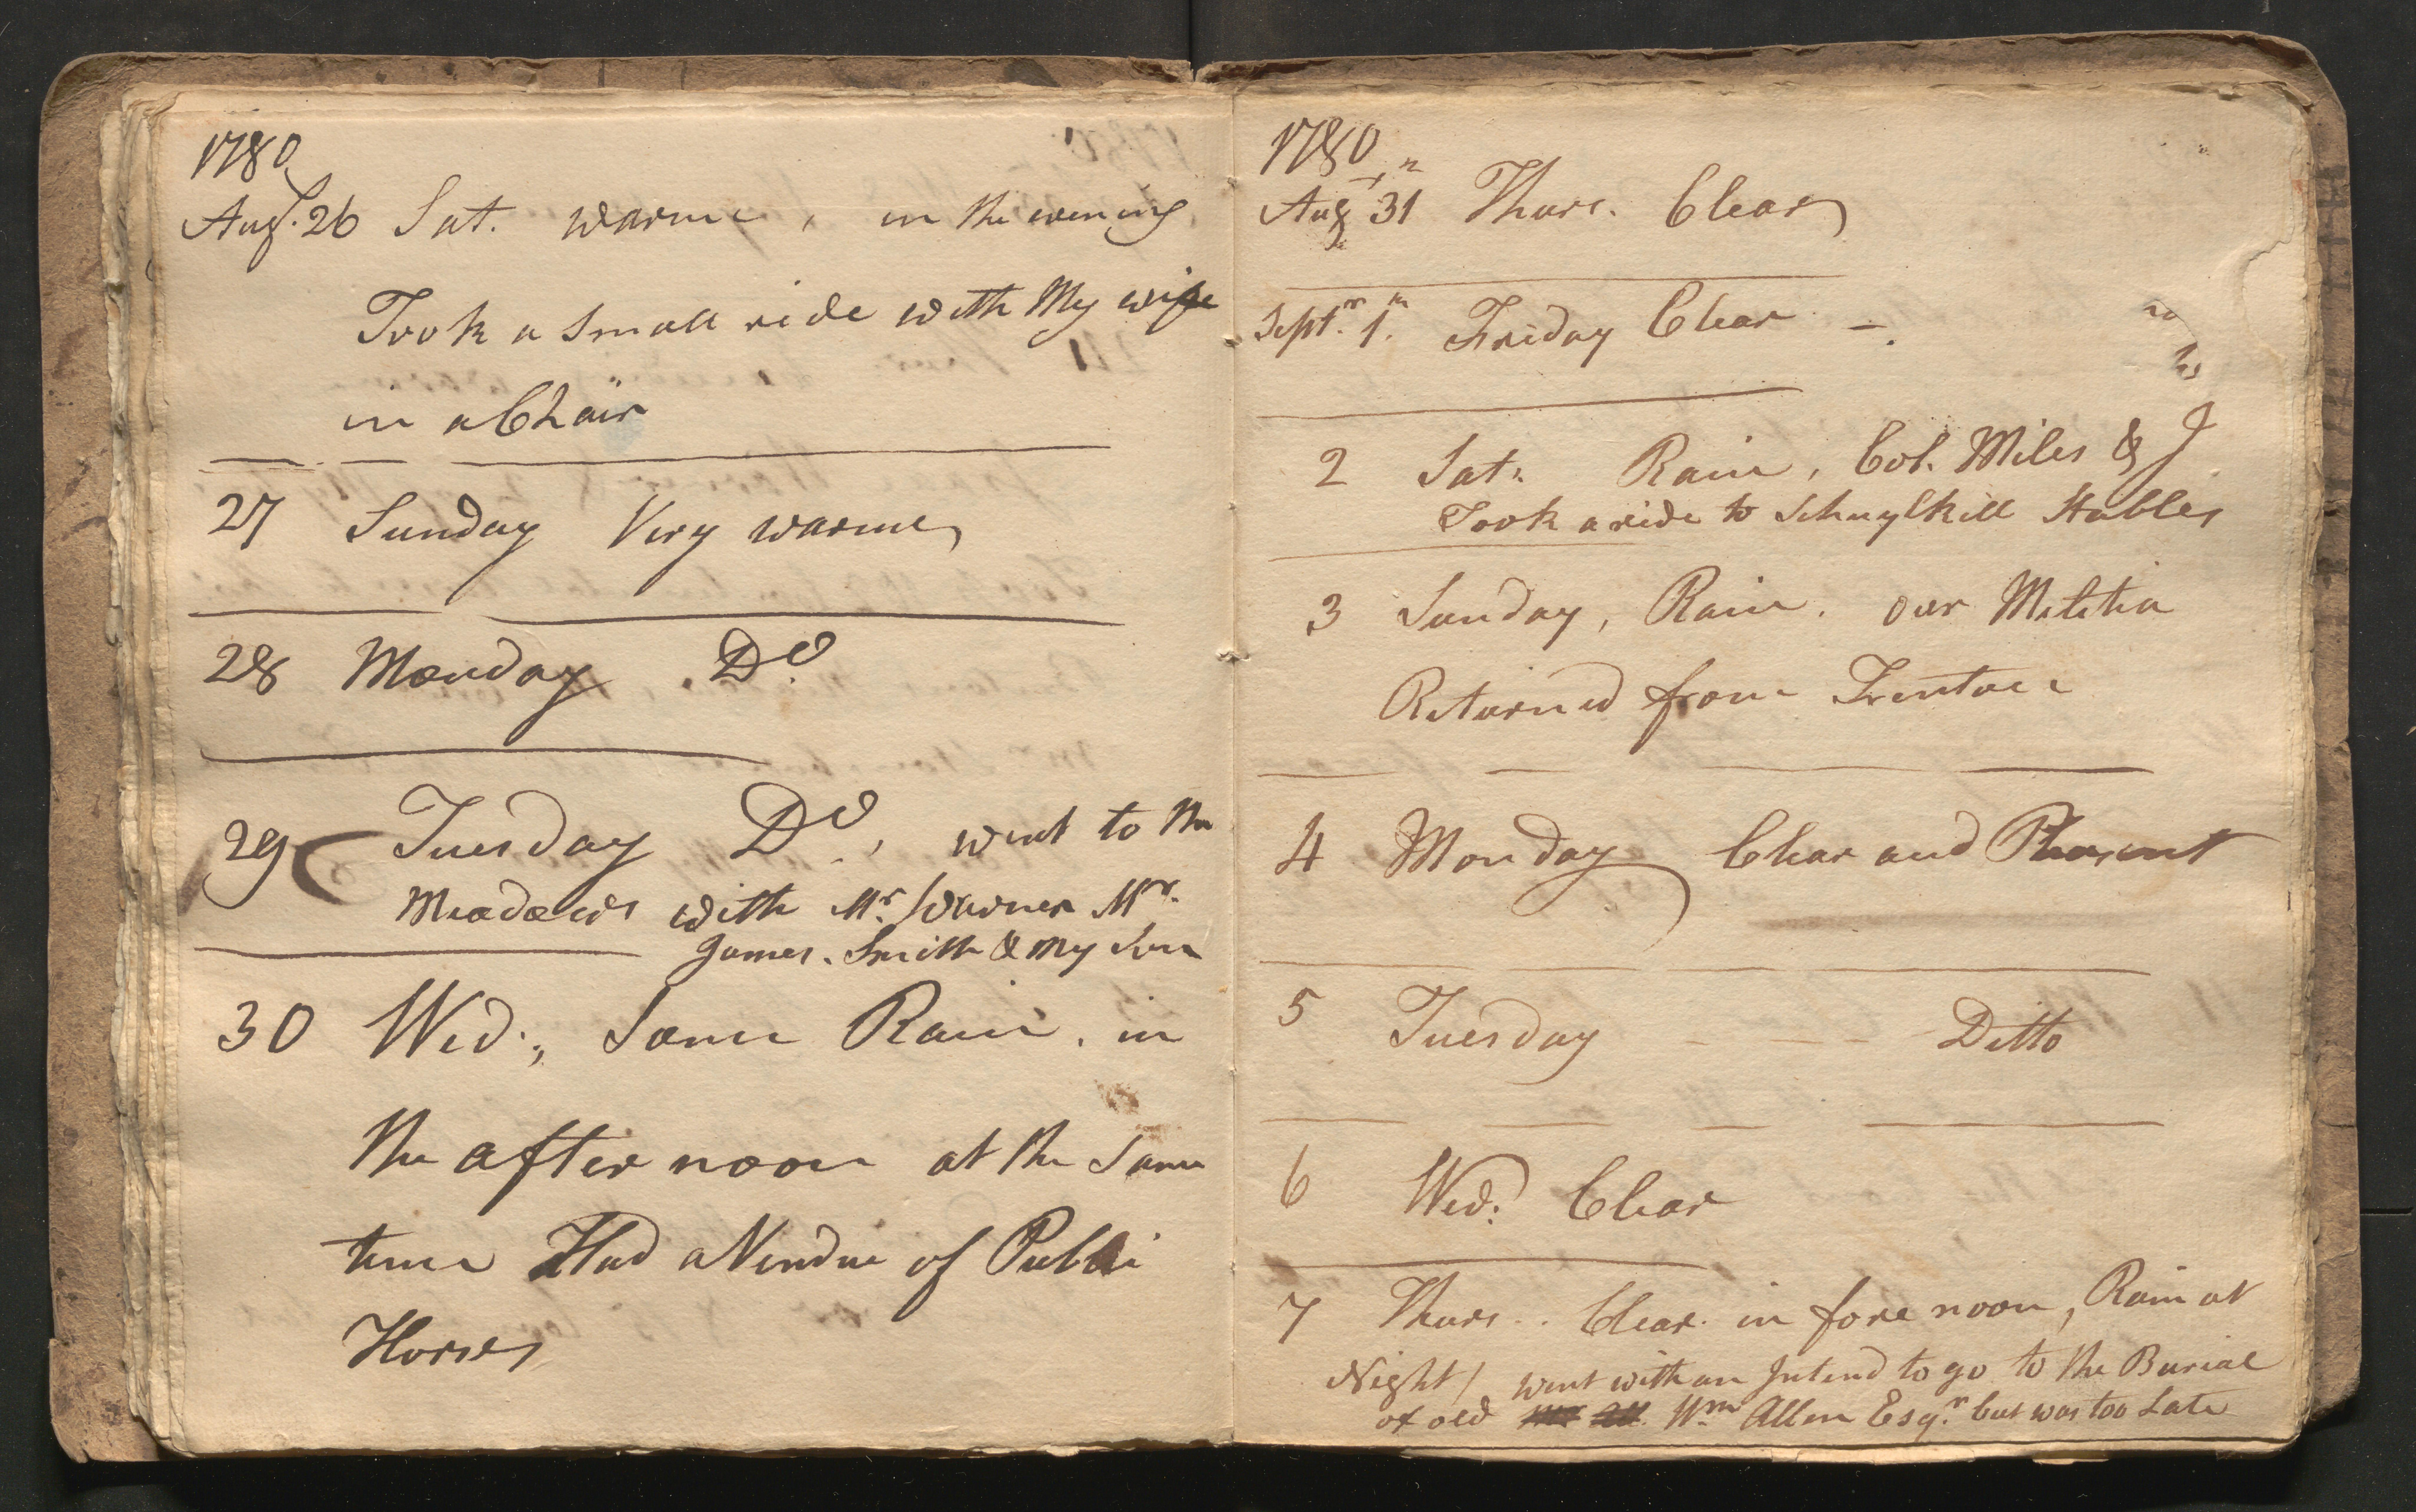1780
Aug^t. 26 Sat. warme, in the evening
Took a small ride with My wife
in a Chair
27 Sunday, Very warme
28 Monday
29 Tuesday D^o, went to the
Meadows with M^r. Warner M^r.
James. Smith & My Son
30 Wed. Some Rain, in
the afternoon at the Same
time Had a Vendue of Public
Horses
Aug^t 31^th Thurs. Clear
1780
Sept^r. 1^th. Friday Clear
2 Sat. Rain, Col. Miles & I
Took a ride to Schuylkill Stables
3 Sunday, Rain. our Militia
Returned from Trenton
4 Monday, Clear and Pleasent
5 Tuesday
Ditto
6 Wed. Clear
7 Thurs.. Clear in fore noon, Rain at
Night/ went with an Intend to go to the Burial
of old [M^r] [All] W^m. Allen Esq^r. but was too Late